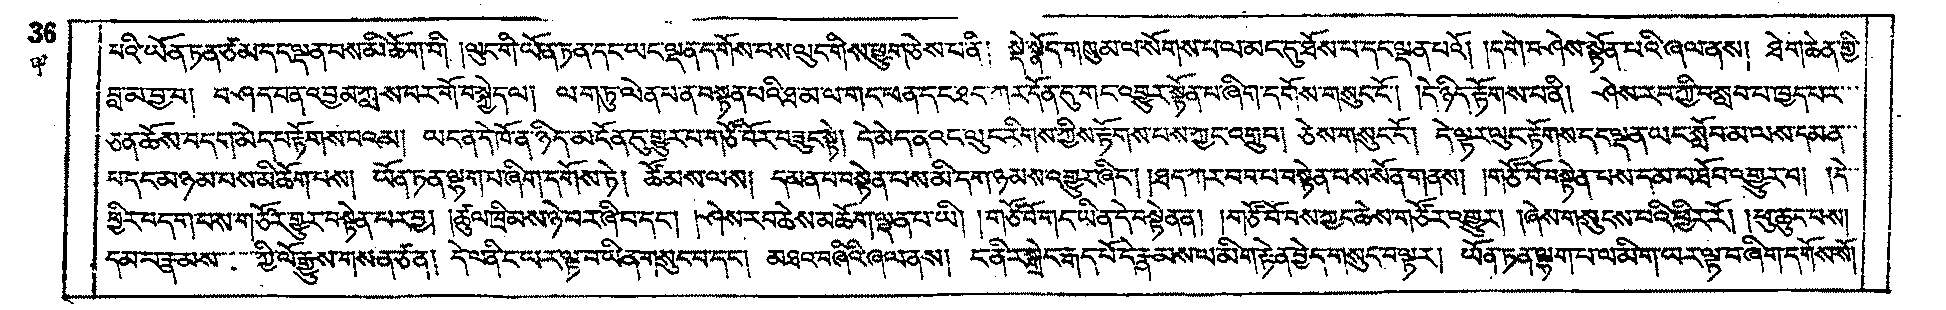པའི་ཡོན་ཏན་ཙམ་དང་ལྡན་པས་མི་ཆོག་གི །ལུང་གི་ཡོན་ཏན་དང་ཡང་ལྡན་དགོས་པས་ལུང་གིས་ཕྱུག་ཅེས་པ་ནི། སྡེ་སྣོད་གསུམ་ལ་སོགས་པ་ལ་མང་དུ་ཐོས་པ་དང་ལྡན་པའོ། །དགེ་བཤེས་སྟོན་པའི་ཞལ་ནས། ཐེག་ཆེན་གྱི་
བླ་མ་བྱ་བ། བཤད་པ་ན་འབྱམ་ཀླས་པར་གོ་བ་སྐྱེད་ལ། ལག་ཏུ་ལེན་པ་ན་བསྟན་པའི་ཐ་མ་ལ་གང་ཕན་དང་ཐད་ཀར་དོན་དུ་གང་འགྱུར་སྟོན་པ་ཞིག་དགོས་གསུང་ངོ། །དེ་ཉིད་རྟོགས་པ་ནི། ཤེས་རབ་ཀྱི་བསླབ་པ་ཁྱད་པར་
ཅན་ཆོས་བདག་མེད་པ་རྟོགས་པའམ། ཡང་ན་དེ་ཁོ་ན་ཉིད་མངོན་དུ་གྱུར་པ་གཙོ་བོར་བཟུང་སྟེ། དེ་མེད་ནའང་ལུང་རིགས་ཀྱིས་རྟོགས་པས་ཀྱང་འགྲུབ། ཅེས་གསུང་ངོ། །དེ་ལྟར་ལུང་རྟོགས་དང་ལྡན་ཡང་སློབ་མ་ལས་དམན་
པ་དང་མཉམ་པས་མི་ཆོག་པས། ཡོན་ཏན་ལྷག་པ་ཞིག་དགོས་ཏེ། ཚོམས་ལས། དམན་པ་བསྟེན་པས་མི་དག་ཉམས་འགྱུར་ཞིང་། །ཐད་ཀར་བབ་པ་བསྟེན་པས་སོ་ན་གནས། །གཙོ་བོ་བསྟེན་པས་དམ་པ་ཐོབ་འགྱུར་བ། །དེ་
ཕྱིར་བདག་པས་གཙོར་གྱུར་བསྟེན་པར་བྱ། །ཚུལ་ཁྲིམས་ཉེ་བར་ཞི་བ་དང་། །ཤེས་རབ་ཆེས་མཆོག་ལྡན་པ་ཡི། །གཙོ་བོ་གང་ཡིན་དེ་བསྟེན་ན། །གཙོ་བོ་བས་ཀྱང་ཆེས་གཙོར་འགྱུར། །ཞེས་གསུངས་པའི་ཕྱིར་རོ། །ཕུ་ཆུང་པས།
དམ་པ་རྣམྶྐྱི་ལོ་རྒྱུས་གསན་ཙ་ན། དེ་ལ་ནི་ང་ཡར་ལྟ་བ་ཡིན་གསུང་བ་དང་། མཐའ་བཞིའི་ཞལ་ནས། ང་ནི་ར་སྒྲེང་རྒད་པོ་དེ་རྣམས་ལ་མིག་རྟེན་བྱེད་གསུང་བ་ལྟར། ཡོན་ཏན་ལྷག་པ་ལ་མིག་ཡར་ལྟ་བ་ཞིག་དགོས་སོ།